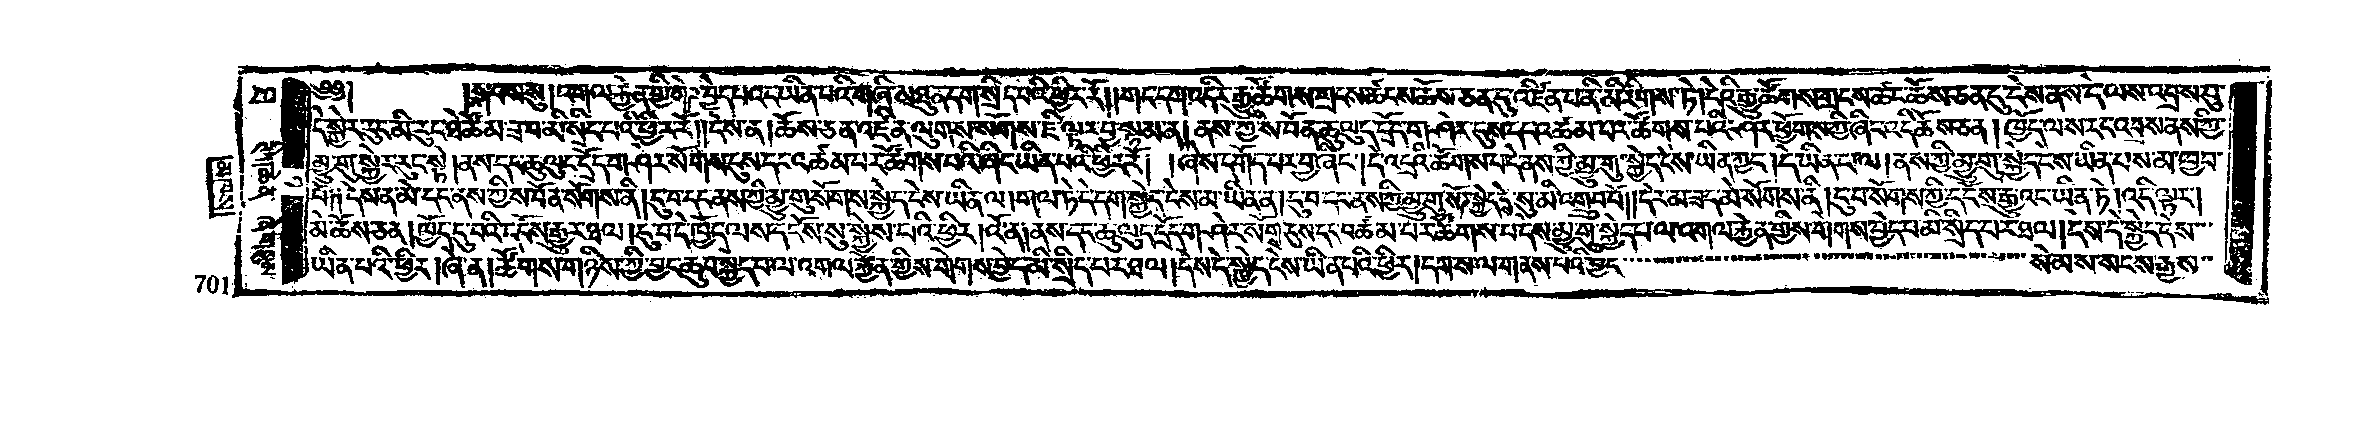༄༅། །སྐབས་སུ། འགལ་རྐྱེན་གྱི་གེགས་བྱེད་པའང་ཡིན་པའི་གཞི་མཐུན་དག་སྲིད་པའི་ཕྱིར་རོ། །གང་དག་འདིར་རྒྱུ་ཚོགས་གྲངས་ཚངས་ཆོས་ཅན་དུ་འཛིན་པ་ནི་མི་རིགས་ཏེ། དེའི་རྒྱུ་ཚོགས་གྲངས་ཚང་ཆོས་ཅན་དུ་ངེས་ནས་དེ་ལས་འབྲས་བུ་
དེ་སྐྱེར་རུང་མི་རུང་ཐེ་ཚོམ་ཟ་བ་མི་སྲིད་པའི་ཕྱིར་རོ། །དེས་ན། ཆོས་ཅན་འཛིན་ལུགས་སོགས་ཇི་ལྟར་བྱ་སྙམ་ན། ནས་ཀྱི་ས་བོན་ཆུ་ལུད་དྲོད་གཤར་དུས་དང་འཚམ་པར་ཚོགས་པའི་ཤར་ཕྱོགས་ཀྱི་ཞིང་འདི་ཆོས་ཅན། ཁྱོད་ལས་རང་འབྲས་ནས་ཀྱི་
མྱུ་གུ་སྐྱེར་རུང་སྟེ། ནས་དང་ཆུ་ལུད་དྲོད་གཤར་སོགས་དུས་དང་འཚམ་པར་ཚོགས་པའི་ཞིང་ཡིན་པའི་ཕྱིར་རོ། །ཞེས་དགོད་པར་བྱ་ཞིང་། དེ་འདྲའི་ཚོགས་པ་དེ་ནས་ཀྱི་མྱུ་གུ་སྐྱེད་ངེས་ཡིན་ཀྱང་། དེ་ཡིན་པ་ལ། ནས་ཀྱི་མྱུ་གུ་སྐྱེད་ངེས་ཡིན་པས་མ་ཁྱབ་
བོ། །དེས་ན་མེ་དང་ནས་ཀྱི་ས་བོན་སོགས་ནི། དུ་བ་དང་ནས་ཀྱི་མྱུ་གུ་སོགས་སྐྱེད་ངེས་ཡིན་ལ། གལ་ཏེ་དེ་དག་སྐྱེད་ངེས་མ་ཡིན་ན། དུ་བ་དང་ནས་ཀྱི་མྱུ་གུ་སོགས་སྐྱེད་ངེས་སུ་མི་འགྲུབ་བོ། །དེར་མ་ཟད་མེ་སོགས་ནི། དུ་བ་སོགས་ཀྱི་དངོས་རྒྱུའང་ཡིན་ཏེ། འདི་ལྟར།
མེ་ཆོས་ཅན། ཁྱོད་དུ་བའི་དངོས་རྒྱུར་ཐལ། དུ་བ་དེ་ཁྱོད་ལས་དངོས་སུ་སྐྱེས་པའི་ཕྱིར། འོ་ན། ནས་དང་ཆུ་ལུད་དྲོད་གཤེར་སོགས་དུས་དང་འཚམ་པར་ཚོགས་པ་དེས་མྱུ་གུ་ཀྱེད་པ་ལ་འགལ་རྐྱེན་གྱིས་གེགས་བྱེད་པ་མི་སྲིད་པར་ཐལ། དེས་དེ་སྐྱེད་དེས་
ཡིན་པའི་ཕྱིར། ཞེ་ན། ཚོགས་གཉིས་ཀྱི་བྱང་ཆུབ་སྐྱེད་པ་ལ་འགལ་རྐྱེན་གྱིས་གེགས་བྱེད་མི་སྲིད་པར་ཐལ། དེས་དེ་སྐྱེད་ངེས་ཡིན་པའི་ཕྱིར། དག་ས་ལ་གནས་པའི་བྱང་སེམས་སངས་རྒྱས་